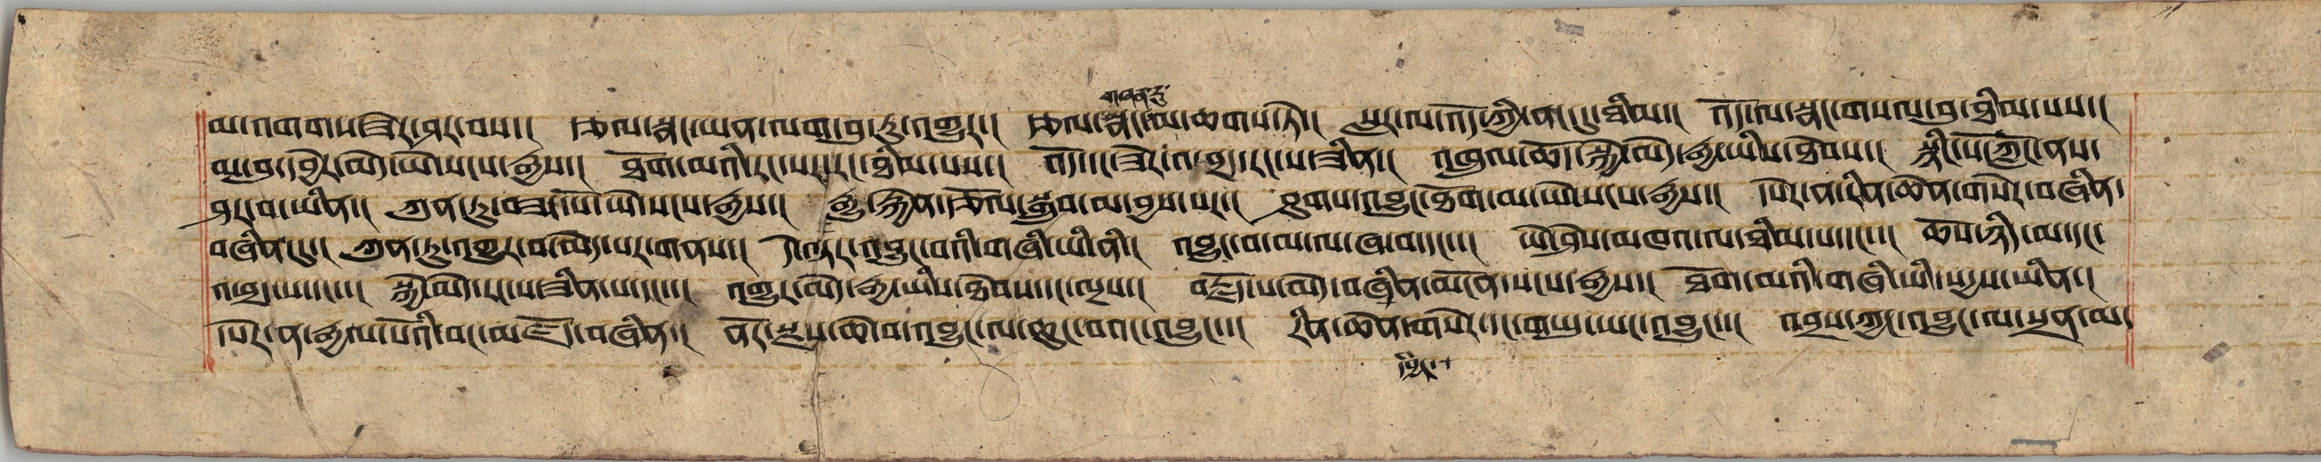མ་འགགས་ཟེར་ཤར་བས་། རྩལ་སྣང་ཡན་ལག་བུ་རུ་འགྱུར་། རྩལ་སྣང་མ་ཆགས་ཏེ་། སླར་ལ་འོད་ཀྱི་ནང་དུ་ཐིམ་། འོད་ལ་སྣང་གསལ་བུ་ཐིམ་པས་།
མ་བུ་དབྱེར་མེད་ཡེ་སངས་རྒྱས་། ཐོག་མའི་རང་སར་རང་ཐིམ་པས་། འོད་དང་ཟེར་འཕྲད་རང་ས་ཟིན་། འཁྲུལ་ཆོད་སྐྱེ་མེད་རྒྱ་ཡིས་ཐེབས་། སྙིང་པོ་ཀློང་ནས་
ཤར་བ་ཡིན་། ཀུན་ཏུ་བཟང་པོ་ཡེ་སངས་རྒྱས་། རྒྱུ་རྐྱེན་རྩོལ་སྒྲུབ་མ་བྱས་པར་། ཤུགས་འབྱུང་ཐོག་མ་ཡེ་སངས་རྒྱས་། དཔེར་ན་རིན་ཆེན་གསེར་བཞིན་
བཞིན་དུ་། ཀུན་ཏུ་འགྱུར་བ་མེད་པར་གནས་། དེ་ལྟར་འབྱུང་བའི་གཞི་ཡི་ནི་། འབྱུང་བ་མ་ལ་ཞ་བ་དང་་། ཡེ་ཤེས་མཁའ་ལ་ཐིམ་པ་དང་་། ཆོས་ཉིད་མ་དང་
འཕྲད་པ་དང་་། སྐྱེ་མེད་རང་ས་ཟིན་པ་དང་་། འགྱུར་མེད་རྒྱ་ཡིས་ཐེབས་དང་ལྔས་། བརྗོད་པ་མེད་བཞིན་མངོན་སངས་རྒྱས་། ཐོག་མའི་གཞི་ཡི་སདྱས་ཡིན་།
དཔེར་ན་རྒྱལ་པོའི་བང་མཛོད་བཞིན་། ནོར་སྫས་ཆེ་བ་འབྱུང་ལ་ཆུང་བའང་འབྱུང་་། རིན་ཆེན་གསེར་དང་གཡུ་ཡང་འབྱུང་། འབྲས་ཀྱང་བྱུང་ལ་སྲན་མ་